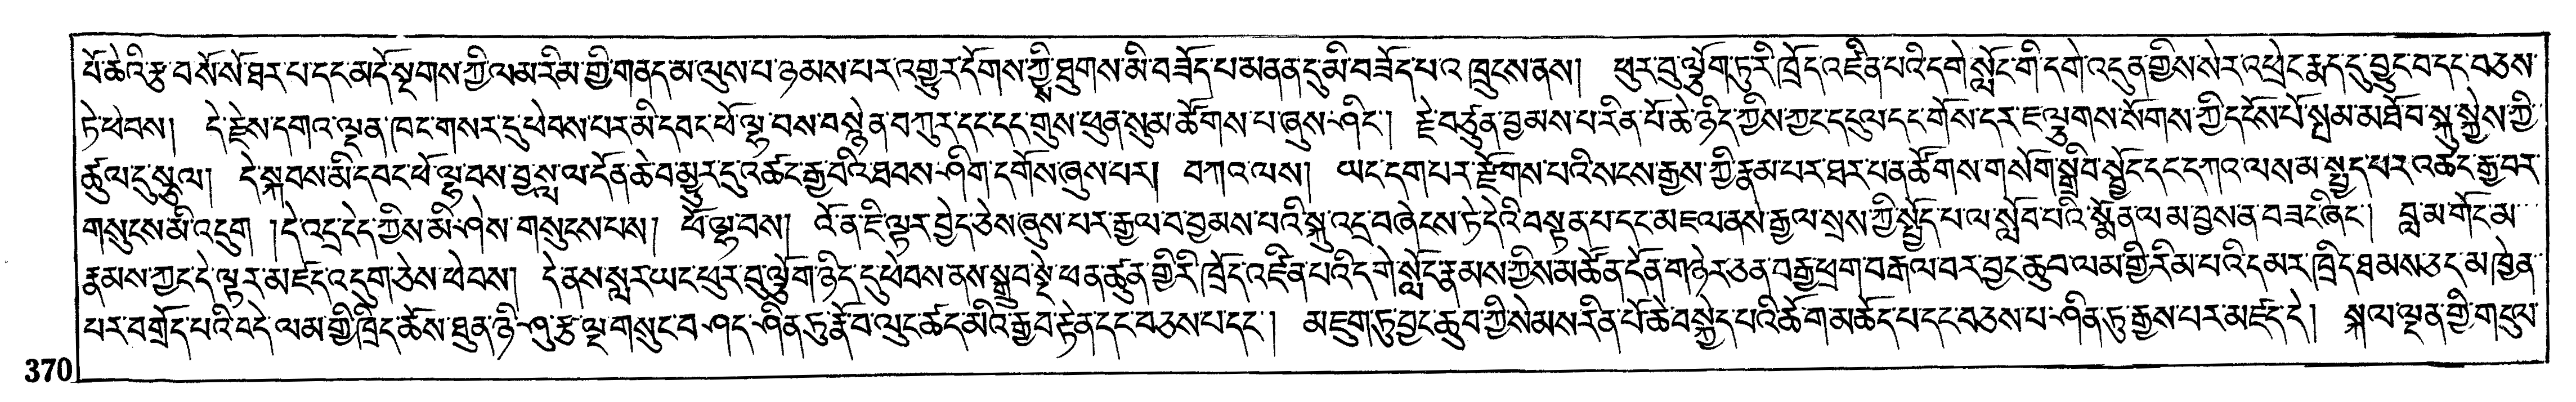པོ་ཆེའི་རྩ་བ་སོ་སོ་ཐར་པ་དང་མདོ་སྔགས་ཀྱི་ལམ་རིམ་གྱི་གནད་མ་ལུས་བ་ཉམས་པར་འགྱུར་དོགས་ཀྱི་ཐུགས་མི་བཟོང་པ་མནན་དུ་མི་བཟོད་པ་འཁྲུངས་ནས། བུར་བུ་ལྕོག་ཏུ་རི་ཁྲོད་འཛིན་པའི་དགེ་སློང་གི་དགེ་འདུན་གྱིས་སེར་འཕྲེང་རྨད་དུ་བྱུང་བ་དང་བཅས་
ཏེ་ཕེབས། དེ་རྗེས་དགའ་ལྡན་ཁང་གསར་དུ་ཕེབས་པར་མི་དབང་ཕོ་ལྷ་བས་བསྙེན་བཀུར་དང་དད་གུས་ཕུན་སུམ་ཚོགས་པ་ཞུས་ཤིང་། རྗེ་བཙུན་བྱམས་པ་རིན་པོ་ཆེ་ཉིད་ཀྱིས་ཀྱང་དངུལ་དང་གོས་དར་ཇ་ལྕགས་སོགས་ཀྱི་དངོས་པོ་སྤམ་མཐོ་བ་སྐུ་སྐྱེས་ཀྱི་
ཚུལ་དུ་སྩལ། དེ་སྐངས་མི་དབང་ཕོ་ལྷ་བས་བྱ་སླ་ལ་དོན་ཆེ་བ་མྱུར་དུ་འཚང་རྒྱ་བའི་ཐབས་ཤིག་དགོས་ཞུས་པར། བཀའ་ལས། ཡང་དག་པར་རྫོགས་པའི་སངས་རྒྱས་ཀྱི་རྣམ་བར་ཐར་པ་ན་ཚོགས་གསོག་སྒྲིབ་སྦྱོང་དང་དཀའ་ལས་མ་སྤྱད་པར་འཚང་རྒྱ་བར་
གསུངས་མི་འདུག །དེ་འདྲ་ངེད་ཀྱིས་མི་ཤེས་གསུངས་པས། ཕོ་ལྷ་བས། འོ་ན་ཇི་ལྟར་བྱེད་ཅེས་ཞུས་པར་རྒྱལ་བ་བྱམས་པའི་སྐུ་འདྲ་བཞེངས་ཏེ་དེའི་བསྟན་པ་དང་མཇལ་ནས་རྒྱལ་སྲས་ཀྱི་སྤྱོད་པ་ལ་སློབ་པའི་སློབ་པའི་སྨོན་ལམ་བྱས་ནས་བཟང་ཞིང་། བླ་མ་གོང་མ་
རྣམས་ཀྱང་དེ་ལྟར་མཛད་འདུག་ཅེས་ཕེབས། དེ་ནས་སླར་ཡང་ཕུར་བུ་ལྕོག་ཉིད་དུ་ཕེབས་ནས་སྒྲུབ་སྡེ་ཕན་ཚུན་གྱི་རི་ཁྲོང་འཛིན་པའི་དགེ་སློང་རྣམས་ཀྱིས་མཚོན་དོན་གཉེར་ཅན་བརྒྱ་ཕྲག་བརྒལ་བར་བྱང་ཆུབ་ལམ་གྱི་རིམ་པའི་དམར་ཁྲིད་ཐམས་ཅད་མཁྱེན་
པར་བགྲོད་པའི་བདེ་ལམ་གྱི་ཁྲིད་ཆོས་ཐུན་ཉི་ཤུ་རྩ་ལྔ་གསུང་བཤད་ཤིན་ཏུ་རྣོ་བ་ལུང་ཚད་མའི་རྒྱབ་རྟེན་དང་བཅས་པ་དང་། མཇུག་ཏུ་བྱང་ཆུབ་ཀྱི་སེམས་རིན་པོ་ཆེ་བསྐྱེད་པའི་ཆོ་ག་མཆོད་པ་དང་བཅས་པ་ཤིན་ཏུ་རྒྱས་བར་མཛད་དེ། སྐལ་ལྡན་གྱི་གདུལ་